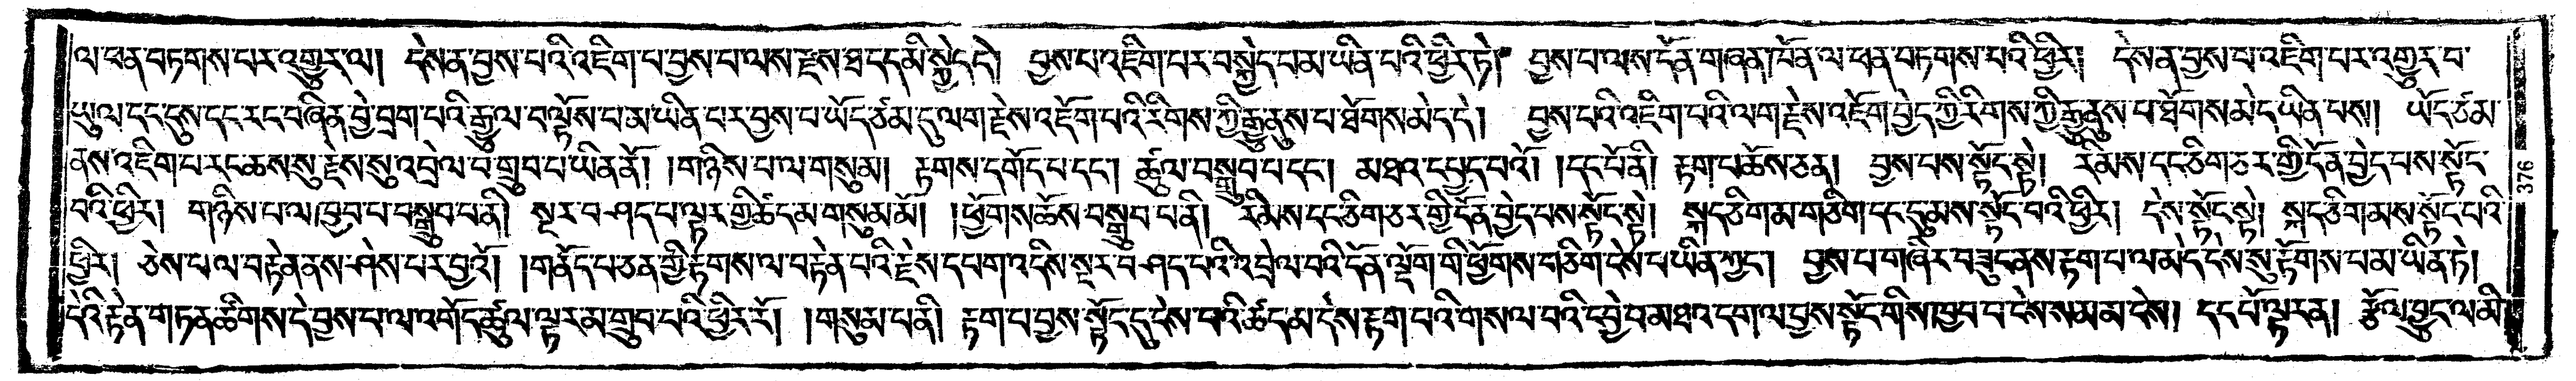ལ་ཕན་བཏགས་པར་འགྱུར་ལ། དེས་ན་བྱས་པའི་འཇིག་པ་བྱས་པ་ལས་རྫས་ཐ་དད་མི་སྐྱེད་དེ། བྱས་པ་འཇིག་པར་བསྐྱེད་པ་མ་ཡིན་པའི་ཕྱིར་ཏེ། བྱས་པ་ལས་དོན་གཞན་ཁོ་ན་ལ་ཕན་བཏགས་པའི་ཕྱིར། དེས་ན་བྱས་པ་འཇིག་པར་འགྱུར་པ་
ཡུལ་དང་དུས་དང་རང་བཞིན་བྱེ་བྲག་པའི་རྒྱུ་ལ་བལྟོས་པ་མ་ཡིན་པར་བྱས་པ་ཡོད་ཙམ་དུ་ལག་རྗེས་འཇོག་པའི་རིགས་ཀྱི་རྒྱུ་ནུས་པ་ཐོགས་མེད་དེ། བྱས་པའི་འཇིག་པའི་ལག་རྗེས་འཇོག་བྱེད་ཀྱི་རིགས་ཀྱི་རྒྱུ་ནུས་པ་ཐོགས་མེད་ཡིན་པས། ཡོད་ཙམ་
ནས་འཇིག་པ་རང་ཆས་སུ་རྗེས་སུ་འབྲེལ་བ་གྲུབ་པ་ཡིན་ནོ། །གཉིས་པ་ལ་གསུམ། རྟགས་དགོད་པ་དང་། ཚུལ་བསྒྲུབ་པ་དང་། མཐའ་དཔྱད་པའོ། །དང་པོ་ནི། རྟག་པ་ཆོས་ཅན། བྱས་པས་སྟོང་སྟེ། རིམས་དང་ཅིག་ཅར་གྱི་དོན་བྱེད་པས་སྟོང་
པའི་ཕྱིར། གཉིས་པ་ལ་ཁྱབ་པ་བསྒྲུབ་པ་ནི། སྔར་བཤད་པ་ལྟར་གྱི་ཚད་མ་གསུམ་མོ། །ཕྱོགས་ཆོས་བསྒྲུབ་པ་ནི། རིམས་དང་ཅིག་ཅར་གྱི་དོན་བྱེད་པས་སྟོང་སྟེ། སྐད་ཅིག་མ་གཅིག་དང་དུ་མས་སྟོང་པའི་ཕྱིར། དེས་སྟོང་སྟེ། སྐད་ཅིག་མས་སྟོང་པའི་
ཕྱིར། ཅེས་པ་ལ་བརྟེན་ནས་ཤེས་པར་བྱའོ། །གནོད་པ་ཅན་གྱི་རྟགས་ལ་བརྟེན་པའི་རྗེས་དཔག་འདིས་སྔར་བཤད་པའི་འབྲེལ་བའི་དོན་ལྡོག་གི་ཕྱོགས་གཅིག་ངེས་པ་ཡིན་ཀྱང་། བྱས་པ་གཞིར་བཟུང་ནས་རྟག་པ་ལ་མེད་ངེས་སུ་རྟོགས་པ་མ་ཡིན་ཏེ།
དེའི་རྟེན་གཏན་ཚིགས་དེ་བྱས་པ་ལ་འགོད་ཚུལ་ལྟར་མ་གྲུབ་པའི་ཕྱིར་རོ། །གསུམ་པ་ནི། རྟག་པ་བྱས་སྟོང་དུ་ངེས་པའི་ཚད་མ་དེས་རྟག་པའི་གསལ་བའི་དབྱེ་བ་མཐའ་དག་ལ་བྱས་སྟོང་གིས་ཁྱབ་པ་ངེས་སམ་མ་ངེས། དང་པོ་ལྟར་ན། རྩོལ་བྱུང་ལ་མི་